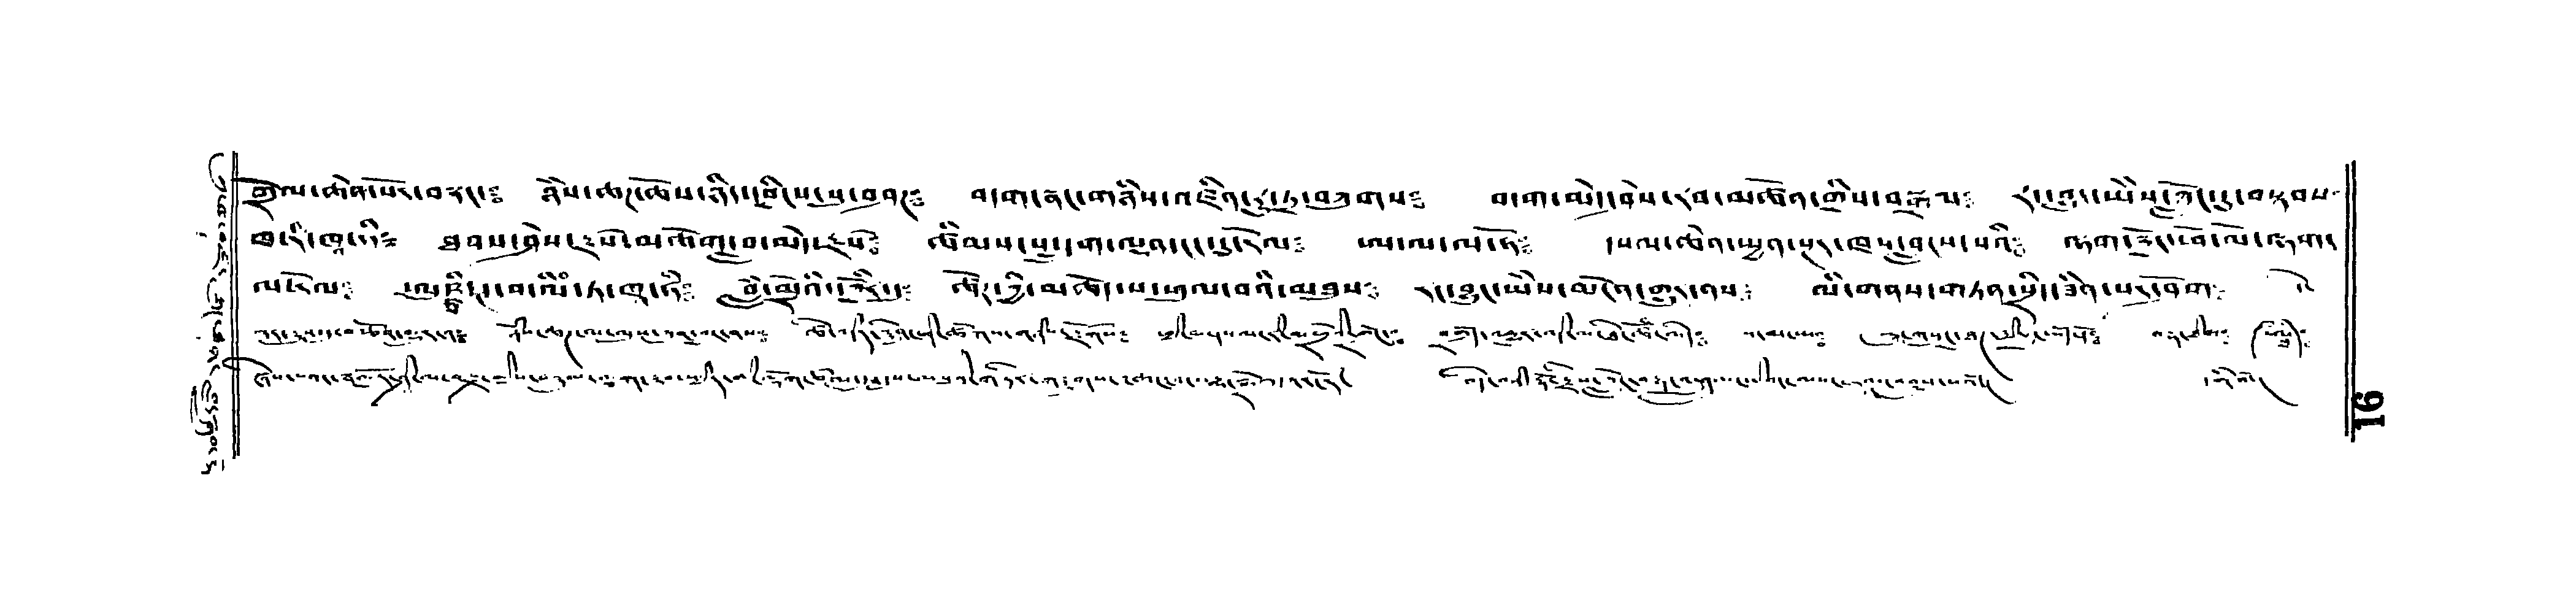གྲོལ་ཆེན་པོར་བསྐང༔ ཉམས་ཆགས་ཆོས་ཉིད་དབྱིངས་སུ་བཤགས༔ བདག་སྣང་གཉིས་འཛིན་རུ་ཏྲ་བཀུག༔ བདག་མེད་ཤེས་རབ་མཚོན་གྱིས་བསྒྲལ༔ རང་བྱུང་ཡེ་ཤེས་ཀློང་དུ་བསྟབས༔ 
ཁ་རཾ་ཁཱ་ཧི༔ ཐབས་ཤེས་རྫས་མཆོག་བླ་མེད་རྫས༔ ཚིམས་པ་དྲུག་ལྡན་ངང་དུ་རོལ༔ ཨ་ལ་ལ་ཧོ༔ དཔལ་ཆེན་སྤྱན་སྔར་ཁས་བླངས་པའི༔ ལྷག་སྐྱོང་ཕོ་མོ་ལྷག་
ལ་རོལ༔ ཨུཤྩི་ཊ་བ་ལིཾ་ཏ་ཁཱ་ཧི༔ བླ་མ་མཁའ་འགྲོའི་དཀྱིལ་འཁོར་དུ༔ ཚོགས་ཀྱི་མཆོད་པ་ཕུལ་བའི་མཐུས༔ རང་བྱུང་ཡེ་ཤེས་མངོན་གྱུར་ནས༔ མི་གནས་གཏན་སྲིད་ཟིན་པར་ཤོག༔ དེ་
ལྟར་རྒྱུན་དུ་བརྩོན་གྱུར་ན༔ ཉམས་ཆགས་མ་ལུས་ཀུན་བྱང་ནས༔ ཚེ་འདིར་རྐྱེན་ཞི་ཚོགས་གཉིས་རྫོགས༔ ཕྱི་མ་དཔལ་རི་མཁའ་འགྲོའི་གྲོང༔ བགྲོད་འགྱུར་འདི་ལ་ཐེ་ཚོམ་མེད༔ས་མ་ཡ༔ སྐུ་གསུང་ཐུགས་ཀྱི་རྒྱ་ཡོད་དོ༔ བརྡ་ཐིམ༔ ༔ 
ཞེས་པའང་རྣལ་འབྱོར་ཤཱི་ལ་བཛྲ་གྱིས་བསྐུལ་ལྕག་ཟབ་ཕྱིར་མི་ལྡོག་ཙམ་དུ་དུས་མཐའི་གཏེར་གཟུགས་འཆང་བ་པདྨ་སྒྲོལ་དཀར་རམ། བདེ་བའི་རྡོ་རྗེས་ཀློང་བརྡ་འཕྲུལ་ཡིག་ལས་ཞལ་བཤུས་པའོ།། དགེའོ།།